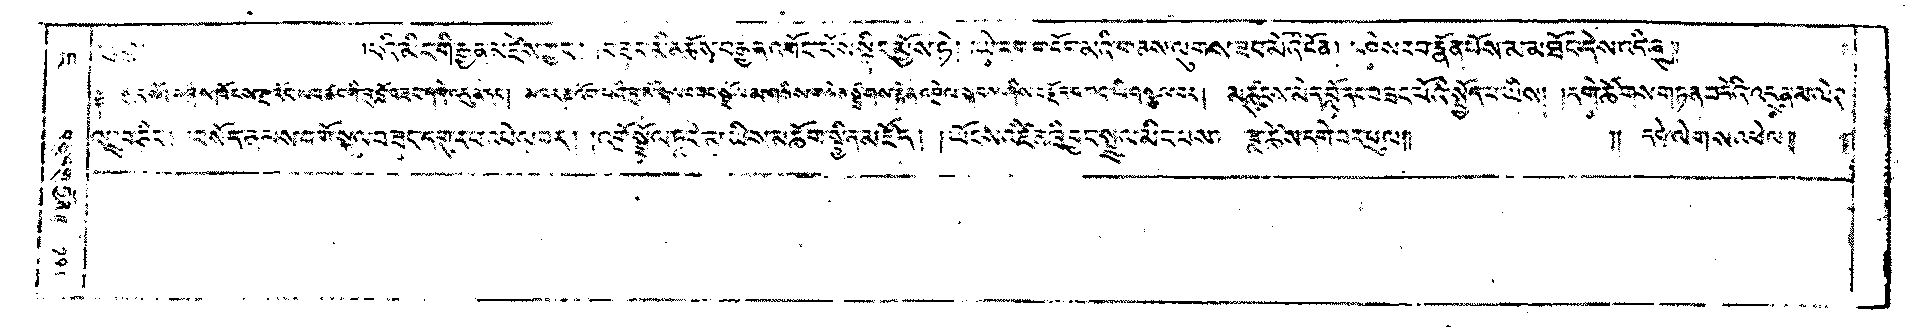༄༅། །པའི་མིང་གི་རྒྱན་མཛེས་ཀྱང་། །བཟང྾་མིན་ཆོས་བརྒྱད་འགོང་པོས་སྙིང་མྱོས་ཏེ། །ཡེ྾་དག་གདོད་མའི་གནས་ལུགས་ཟབ་མོའི་དོན། །ཤེས྾་རབ་རྣོན་པོས་མ་མཐོང་དེས་འདྲི་ཞུ།། །།
༈ སུད་སིའི་གཞིས་ཁོངས་རྫ་རོང་ཡབ་ཚང་གི་བུ་བློ་བཟང་དགེ་འདུན་དང་། མཁར་རྟ་འོག་པའི་བུ་མོ་སྐལ་བཟང་སྒྲོལ་མ་གཉིས་གཉེན་སྒྲིགས་རྟེན་འབྲེལ་སྐབས་ཤིས་བརྗོད་བཀའ་ཡིག་སྩལ་བར།  མཚུངས་མེད་བློ྾་དང་བཟང྾་པོའི་སྤྱོད་པ་ཡིས། །དགེ྾་ཚོགས་གཏན་བདེའི་འདུན་མ་ལེགས་
འགྲུབ་ཅིང་། །བསོད་ནམས་བགོ་སྐལ྾་བཟང྾་དགུ་རབ་འཕེལ་བར། །འགྲོ་སྒྲོལ྾་ཏཱ་རེ་མ྾་ཡིས་མཆོག་སྦྱིན་མཛོད། །ཡོངས་འཛིན་ཁྲི་བྱང་སྤྲུལ་མིང་པས། ཟླ་ཚེས་དགེ་བར་ཕུལ།། །།དགེ་ལེགས་འཕེལ།། །།